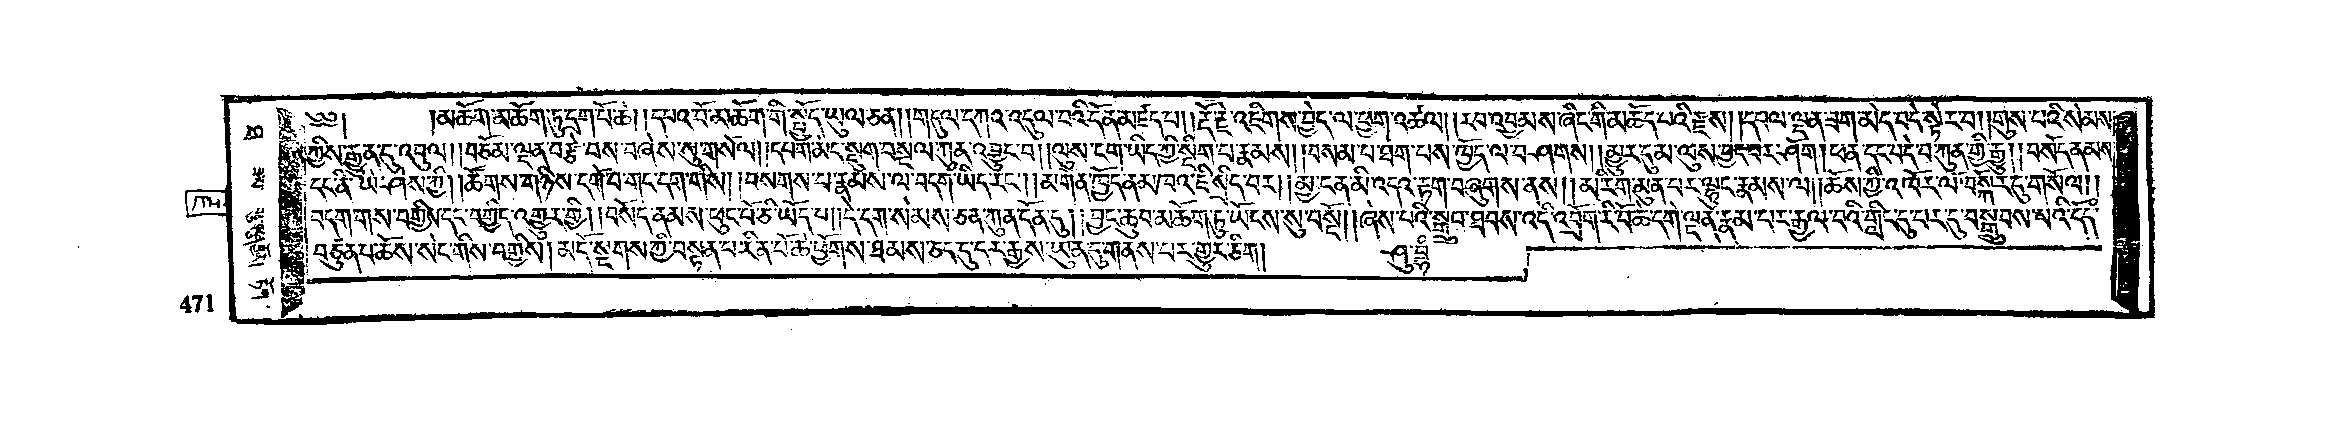༄༅། །མཆོག་མཆོག་ཏུ་དྲག་པོ་ཆེ། །དཔའ་བོ་མཆོག་གི་སྤྱོད་ཡུལ་ཅན། །གདུལ་དཀའ་འདུལ་བའི་དོན་མཛད་པ། །རྡོ་རྗེ་འཇིགས་བྱེད་ལ་ཕྱག་འཚལ། །རབ་འབྱམས་ཞིང་གི་མཆོད་པའི་རྫས། །དཔལ་ལྡན་ཟག་མེད་བདེ་སྟེར་བ། །གུས་པའི་སེམས་
ཀྱིས་རྒྱན་དུ་འབུལ། །བཅོམ་ལྡན་བརྩེ་བས་བཞེས་སུ་གསོལ། །དཔག་མེད་སྡུག་བསྔལ་ཀུན་འབྱུང་བ། །ལུས་ངག་ཡིད་ཀྱི་སྡིག་པ་རྣམས། །བསམ་པ་ཐག་པས་ཁྱོད་ལ་བཤགས། །མྱུར་དུ་མ་ལུས་བྱང་བར་ཤོག །ཕན་དང་བདེ་བ་ཀུན་གྱི་རྒྱུ། །བསོད་ནམས་
དང་ནི་ཡེ་ཤེས་ཀྱི། །ཚོགས་གཉིས་དགེ་བ་གང་དག་གིས། །བསགས་པ་རྣམས་ལ་བདག་ཡིད་རང་། །མགོན་ཁྱོད་ནམ་མཁའ་ཇི་སྲིད་བར། །མྱ་ངན་མི་འདའ་རྟག་བཞུགས་ནས། །མ་རིག་མུན་པར་ལྷུང་རྣམས་ལ། །ཆོས་ཀྱི་འཁོར་ལོ་བསྐོར་དུ་གསོལ། །
བདག་གིས་བགྱིས་དང་བགྱིད་འགྱུར་གྱི། །བསོད་ནམས་ཕུང་པོ་ཅི་ཡོད་པ། །དེ་དག་སེམས་ཅན་ཀུན་དོན་དུ། །བྱང་ཆུབ་མཆོག་ཏུ་ཡོངས་སུ་བསྔོ། །ཞེས་པའི་སྒྲུབ་ཐབས་འདི་འབྲོག་རི་བོ་ཆེ་དགེ་ལྡན་རྣམ་པར་རྒྱལ་བའི་གླིང་དུ་པར་དུ་བསྒྲུབས་པའི་དོས་དམ་
བཙུན་པ་ཆོས་སེང་གིས་བགྱིས། མདོ་སྔགས་ཀྱི་བསྟན་པ་རིན་པོ་ཆེ་ཕྱོགས་ཐམས་ཅད་དུ་དར་རྒྱས་ཡུན་དུ་གནས་པར་གྱུར་ཅིག །ཤུ་བྷཾ་